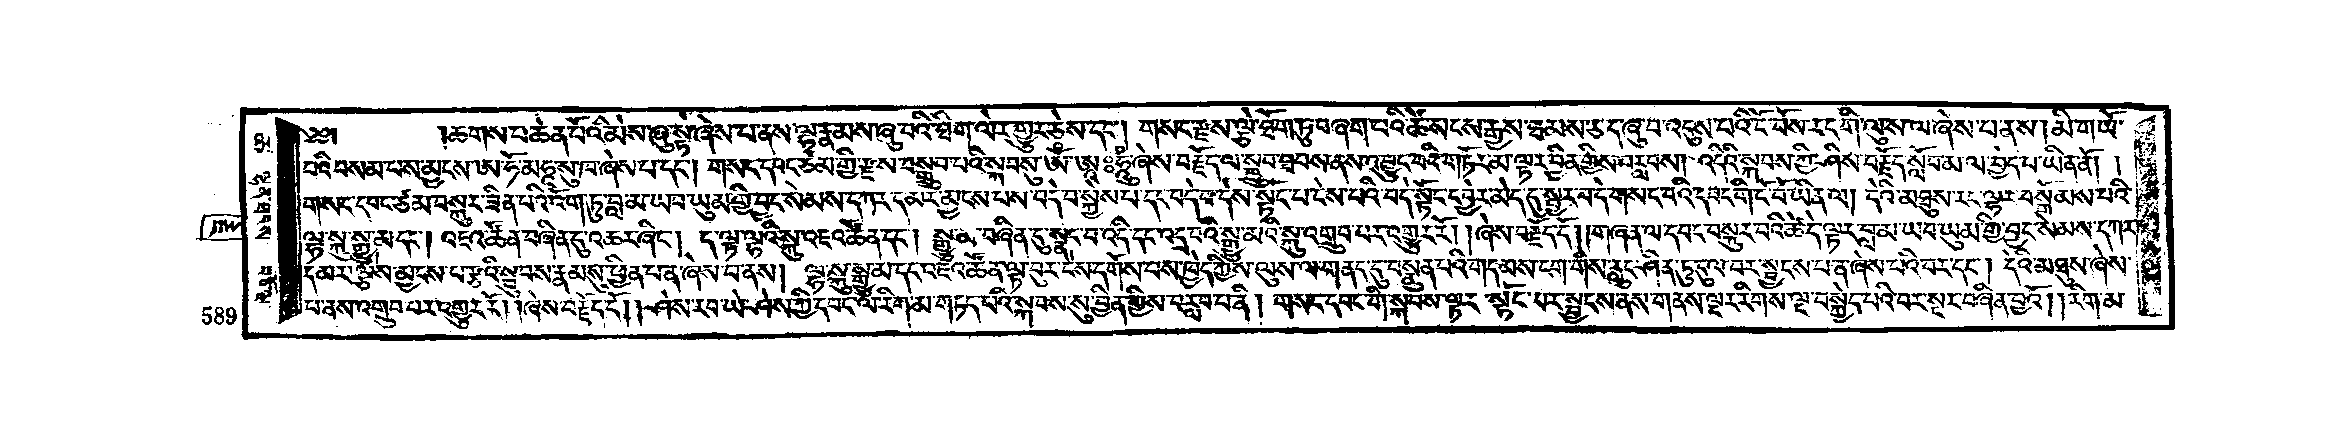༄༅། །ཆགས་པ་ཆེན་པོའི་མེས་ཞུ་སྟེ་ཞེས་པ་ནས་ལྷ་རྣམས་ཞུ་བའི་ཐིག་ལེར་གྱུར་ཅེས་དང་། གསང་རྫས་ལྕེ་ཐོག་ཏུ་བཞག་པའི་ཚེ་སངས་རྒྱས་ཐམས་ཅད་ཞུ་བ་འདུས་པའི་ངོ་བོས་རང་གི་ལུས་ལ་ཞེས་པ་ནས། མི་གཡོ་
བའི་བསམ་པས་མྱངས་ཨ་ཧོ་མྷཱ་སུ་ཁ་ཞེས་པ་དང་། གསང་དབང་ཙམ་གྱི་རྫས་བསྒྲུབ་པའི་སྐབས་སུ་ཨོཾ་ཨཱཿ ཧཱུཾ་ཞེས་བརྗོད་ལ་སྒྲུབ་ཐབས་ནས་འབྱུང་བའི་གཏོར་མ་ལྟར་བྱིན་གྱིས་བརླབས། འདིའི་སྐབས་ཀྱི་ཤིས་བརྗོད་སློབ་མ་ལ་བྱེད་པ་ཡིན་ནོ། །
གསང་དབང་ཙམ་བསྐུར་ཟིན་པའི་འོག་ཏུ་བླ་མ་ཡབ་ཡུམ་གྱི་བྱང་སེམས་དཀར་དམར་མྱངས་པས་བདེ་བ་སྐྱེས་པ་དང་བདེ་བ་དེས་སྟོང་པ་ངེས་པའི་བདེ་སྟོང་དབྱེར་མེད་དུ་སྦྱར་བ་དེ་གསང་བའི་དབང་གི་ངོ་བོ་ཡིན་ལ། དེའི་མཐུས་རང་ལྷར་བསྒོམས་པའི་
ལྷ་སྐུ་སྒྱུ་མ་དང་། འཇའ་ཚོན་བཞིན་དུ་འཆར་ཞིང་། ད་ལྟ་ལྷའི་སྐུ་འཇའ་ཚོན་དང་། སྒྱུ་མ་བཞིན་དུ་སྣང་བ་འདི་དང་འདྲ་བའི་སྒྱུ་མའི་སྐུ་འགྲུབ་པར་འགྱུར་རོ། །ཞེས་བརྗོད་དོ། །གཞན་ལ་དབང་བསྐུར་བའི་ཆེ་དེ་ལྟར་བླ་མ་ཡབ་ཡུམ་གྱི་བྱང་སེམས་དཀར་
དམར་ལྕེས་མྱངས་པ་རྩའི་སྦུབས་རྣམས་སུ་ཕྱིན་པ་ན་ཞེས་པ་ནས། ལྷ་སྐུ་སྒྱུ་མ་དང་འཇའ་ཚོན་ལྟ་བུར་ངེས་དགོས་པས་ཁྱེད་ཀྱིས་ལུས་ལ་གནད་དུ་བསྣུན་པའི་གདམས་ངག་གིས་རླུང་ཤིན་ཏུ་དུལ་བར་སྦྱངས་པ་ན་ཞེས་པའི་བར་དང་། དེའི་མཐུས་ཞེས་
པ་ནས་འགྲུབ་པར་འགྱུར་རོ། །ཞེས་བརྗོད་དོ། །ཤེས་རབ་ཡེ་ཤེས་ཀྱི་དབང་ལ་རིག་མ་གཏད་པའི་སྐབས་སུ་བྱིན་གྱིས་བརླབ་པ་ནི། གསང་དབང་གི་སྐབས་ལྟར་སྟོང་པར་སྦྱངས་ནས་གནས་ལྔར་རིགས་ལྔ་བསྐྱེད་པའི་བར་སྔར་བཞིན་བྱའོ། །རིག་མ་